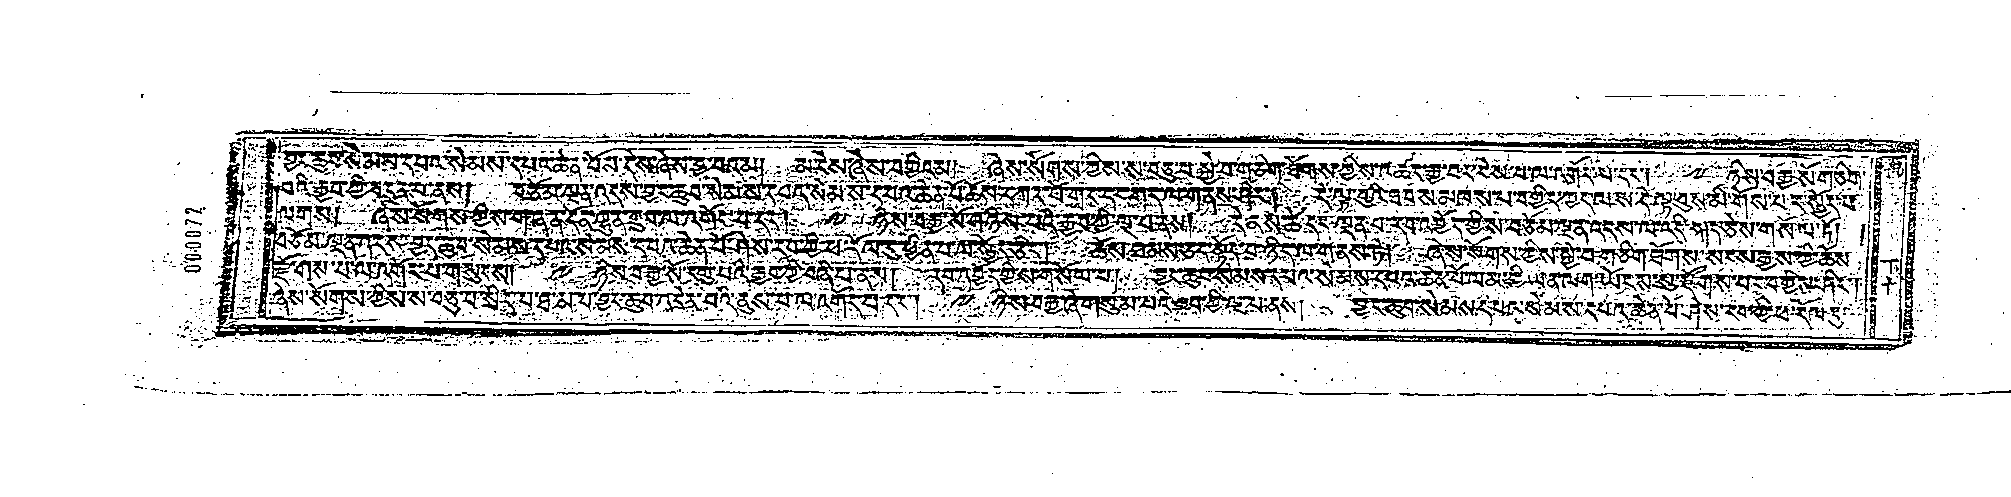བྱང་ཆུབ་སེམས་དཔའ་སེམས་དཔའ་ཆེན་པོས་ངེས་ཞེས་བྱ་བའམ། མ་ངེས་ཞེས་བགྱིའམ། ཞེས་སོགས་ཀྱིས་ས་བཅུ་པ་སྐྱེ་བ་གཅིག་ཐོགས་ཀྱིས་འཚང་རྒྱ་བར་ངེས་པ་ལ་འགོད་པ་དང་། ༧་ཉིས་བརྒྱ་སོ་གཅིག་
བའི་རྒྱབ་ཀྱི་བདུན་པ་ནས། བཅོམ་ལྡན་འདས་བྱང་ཆུབ་སེམས་དཔའ་སེམས་དཔའ་ཆེན་པོ་ཆོས་དཀར་པོ་གང་དང་གང་ལ་གནས་ཤིང་། དེ་ལྟ་བུའི་ཐབས་མཁས་པ་བགྱིད་ཀྱང་ལས་དེ་ལྟ་བུ་མི་གོས་པར་སྤྱོད་པ་
ལགས། ཞེས་སོགས་ཀྱིས་གཞན་དོན་ལྷུན་གྲུབ་ལ་འགོད་པ་དང་། ༧་ཉིས་བརྒྱ་སོ་གཉིས་པའི་རྒྱབ་ཀྱི་ལྔ་པ་ནས། དེ་ནས་ཚེ་དང་ལྡན་པ་རབ་འབྱོར་གྱིས་བཅོམ་ལྡན་འདས་ལ་འདི་སྐད་ཅེས་གསོལ་ཏོ། །
བཅོམ་ལྡན་འདས་བྱང་ཆུབ་སེམས་དཔའ་སེམས་དཔའ་ཆེན་པོ་ཤེས་རབ་ཀྱི་ཕ་རོལ་དུ་ཕྱིན་པ་ལ་སྤྱོད་ཅིང་། ཆོས་ཐམས་ཅད་སྟོང་པ་ཉིད་ལ་གནས་ཏེ། ཞེས་སོགས་ཀྱིས་སྐྱེ་བ་གཅིག་ཐོགས་སངས་རྒྱས་ཀྱི་ཆོས་
རྫོགས་པ་ལ་འགོད་པ་གསུངས། ༧་ཉིས་བརྒྱ་སོ་དགུ་པའི་རྒྱབ་ཀྱི་བཞི་པ་ནས། རབ་འབྱོར་གྱིས་གསོལ་པ། བྱང་ཆུབ་སེམས་དཔའ་སེམས་དཔའ་ཆེན་པོ་ལམ་གྱི་ཡན་ལག་ཡོངས་སུ་རྫོགས་པར་བགྱིས་ཤིང་།
ཞེས་སོགས་ཀྱིས་ས་བཅུ་པ་སྲིད་པ་ཐ་མ་པ་བྱང་ཆུབ་འདྲེན་པའི་ནུས་པ་ལ་འགོང་པ་དང་། ༧་ཉིས་བརྒྱ་ཞེ་གསུམ་པའི་རྒྱབ་ཀྱི་ལྔ་པ་ནས། བྱང་ཆུབ་སེམས་དཔའ་སེམས་དཔའ་ཆེན་པོ་ཤེས་རབ་ཀྱི་ཕ་རོལ་དུ་